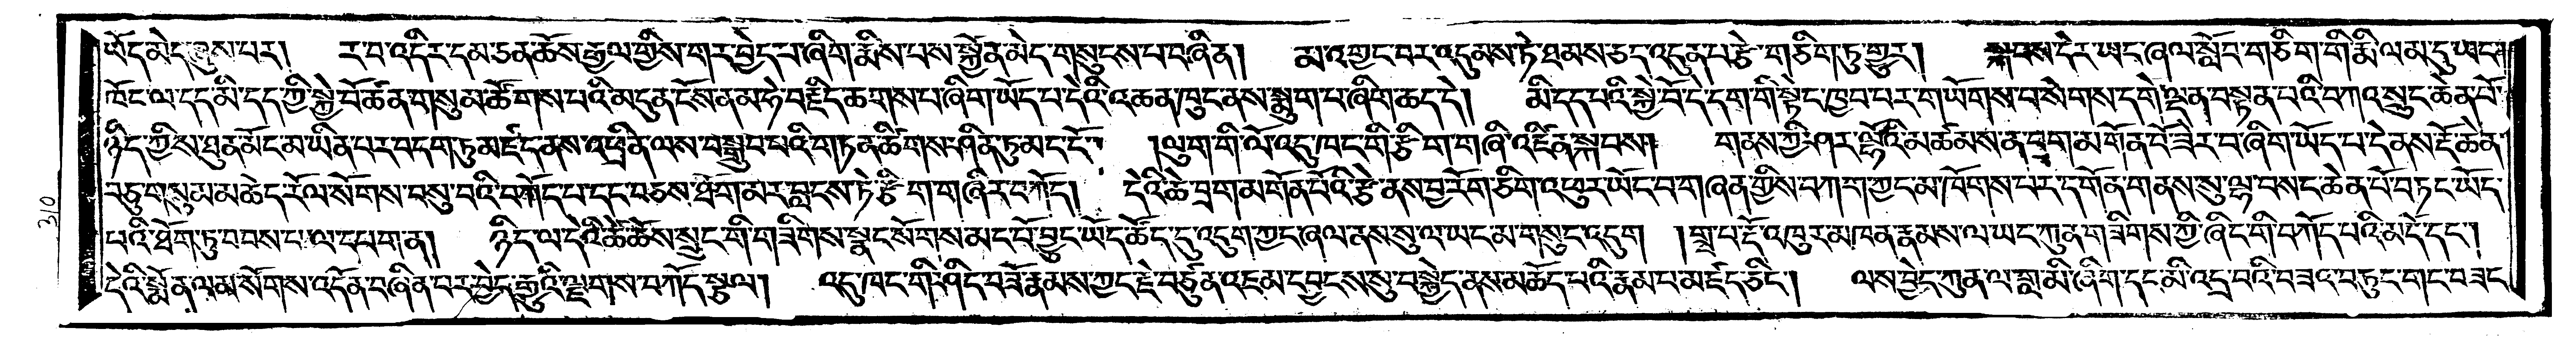ཡོད་མེད་ཞུས་པར། ར་བ་འདིར་དམ་ཅན་ཆོས་རྒྱལ་གྱིས་གར་བྱེད་བ་ཞིག་རྨིས་པས་སྐྱོན་མེད་གསུངས་པ་བཞིན། མ་འགྱང་བར་འདུམས་ཏེ་ཐམས་ཅད་འདུན་བརྩེ་གཅིག་ཏུ་གྱུར། སྐབས་དེར་ཡང་ཞལ་སློབ་གཅིག་གི་རྨི་ལམ་དུ་ཡང་
ཁོང་ལ་དད་མི་དད་ཀྱི་སྐྱེ་བོ་ཚན་གསུམ་ཚོགས་པའི་མདུན་ངོས་ན་མ་ཧེ་བརྗིད་ཆགས་བ་ཞིག་ཡོད་བ་དེའི་འཆན་ཁུང་ནས་སྨུག་བ་ཞིག་ཆད་དེ། མི་དད་བའི་སྐྱེ་བོ་དེ་དག་གི་སྟེང་ཁྱབ་བར་གཡོགས་པ་སོགས་དགེ་ལྡན་བསྟན་བའི་བཀའ་དྲུང་ཆེན་པོ་
ཉིད་ཀྱིས་ཐུན་མོང་མ་ཡིན་པར་བདག་ཏུ་མཛད་ནས་འཕྲིན་ལས་བསྒྲུབ་པའི་གཏན་ཚིགས་ཤིན་ཏུ་མང་ངོ། །ལུག་གི་ལོ་འདུ་ཁང་གི་རྩིག་གཞི་འཛིན་སྐབས། གནས་ཀྱི་ཤར་ལྷོའི་མཚམས་ན་བྲག་མགོན་པོ་ཟེར་བ་ཞིག་ཡོད་པ་དེ་ནས་རྡོ་ཆེན་
བཅུ་གསུམ་མཆོད་རོལ་སོགས་བསུ་བའི་བཀོད་པ་དང་བཅས་ཐོག་མར་བླངས་ཏེ་རྩིག་གཞིར་བཀོད། དེའི་ཆེ་བྲག་མགོན་བོའི་རྩེ་ནས་བྱ་རོག་ཅིག་འཕུར་ཡོང་བ་གཞན་གྱིས་བཀག་ཀྱང་མ་ཁོགས་པར་དགོན་གནས་སུ་ལྷ་བསང་ཆེན་པོ་བཏང་ཡོད་
པའི་ཐོག་ཏུ་བབས་བ་ལ་དཔག་ན། ཉིད་ལ་དེའི་ཚེ་ཆོས་སྲུང་གི་གཟིགས་སྣང་སོགས་མང་པོ་བྱུང་ཡོད་ཚོད་དུ་འདུག་ཀྱང་ཞལ་ནས་སུ་ལ་ཡང་མ་གསུང་འདུག །གྲྭ་བ་རྡོ་འཁུར་མཁན་རྣམས་ལ་ཡང་ཀུན་གཟིགས་ཀྱི་ཞིང་གི་བཀོད་པའི་མདོ་དང་། །
དེའི་སྨོན་ལམ་སོགས་འདོན་བཞིན་པར་བྱེད་རྒྱུའི་ལྔགས་བཀོད་སྩལ། འདུ་ཁང་གི་ཤིང་བཟོ་རྣམས་ཀྱང་རྗེ་བཙུན་འཇམ་དབྱངས་སུ་བསྐྱེད་ནས་མཆོད་པའི་རྣམ་པ་མཛད་ཅིང་། ལས་བྱེད་ཀུན་ལ་གླ་མི་ཞིག་དང་མི་འདྲ་བའི་བཟའ་བཏུང་གང་བཟང་